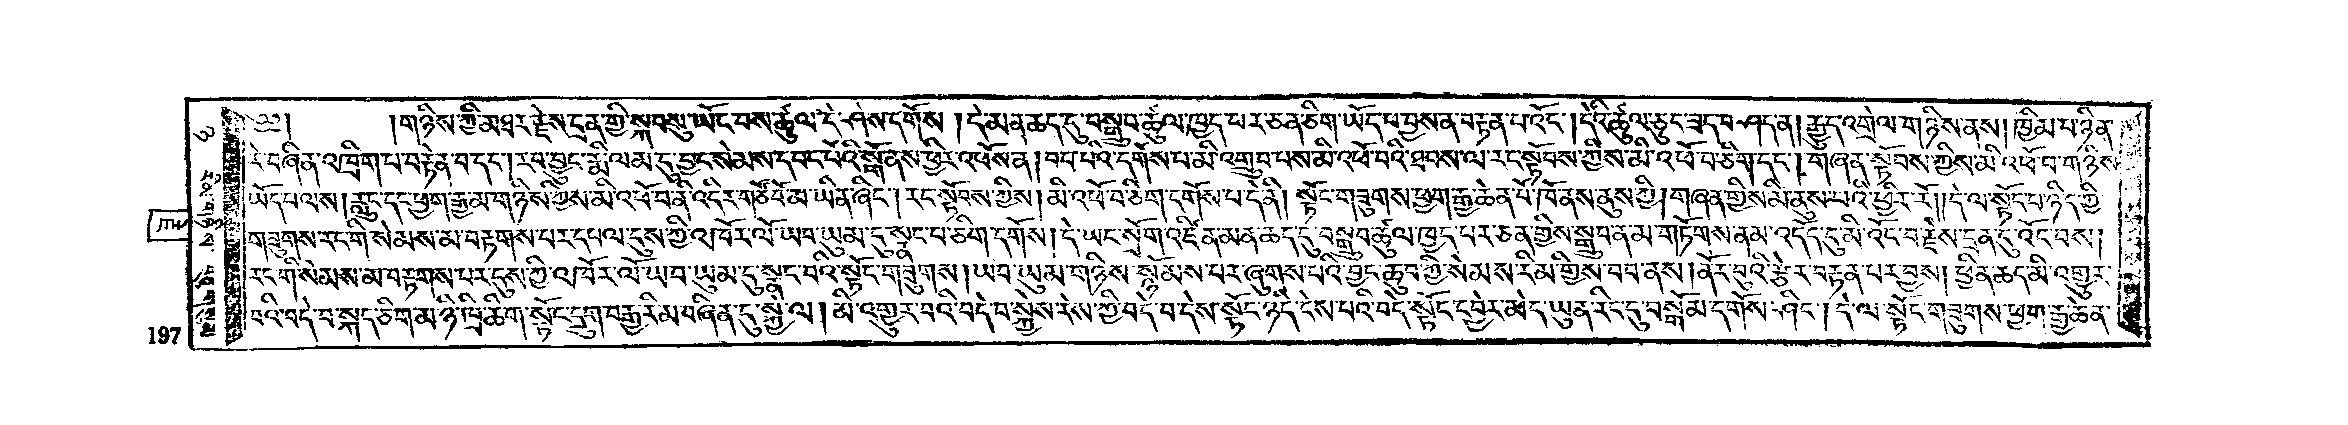༄༅། །གཉིས་ཀྱི་མཐར་རྗེས་དྲན་གྱི་སྐབས་སུ་ཡོང་བས་ཚུལ་དེ་ཤེས་དགོས། དེ་མན་ཆད་དུ་བསྒྲུབ་ཚུལ་ཁྱད་པར་ཅན་ཅིག་ཡོད་པ་བྱས་ན་བརྟན་པ་འོང་། དེའི་ཚུལ་ཅུང་ཟད་བཤད་ན། རྒྱུད་འགྲེལ་གཉིས་ནས། ཁྱིམ་པ་ཉིན་
རེ་བཞིན་འཁྲིག་པ་བརྟེན་པ་དང་། རབ་བྱུང་རྨི་ལམ་དུ་བྱང་སེམས་དབང་པོའི་སྒོ་ནས་ཕྱིར་འཕོས་ན། བབ་པའི་དགོས་པ་མི་འགྲུབ་པས་མི་འཕོ་བའི་ཐབས་ལ་རང་སྟོབས་ཀྱིས་མི་འཕོ་བ་ཅིག་དང་། གཞན་སྟོབས་ཀྱིས་མི་འཕོ་བ་གཉིས་
ཡོད་པ་ལས། རླུང་དང་ཕྱག་རྒྱ་མ་གཉིས་ཀྱིས་མི་འཕོ་བ་ནི་འདིར་གཙོ་བོ་མ་ཡིན་ཞིང་། རང་སྟོབས་ཀྱིས། མི་འཕོ་བ་ཅིག་དགོས་པ་དེ་ནི། སྟོང་གཟུགས་ཕྱག་རྒྱ་ཆེན་པོ་ཁོ་ནས་ནུས་ཀྱི། གཞན་གྱིས་མི་ནུས་པའི་ཕྱིར་རོ། །དེ་ལ་སྟོང་པ་ཉིད་ཀྱི་གཟུགས་རང་གི་སེམས་མ་བརྟགས་པར་དཔལ་དུས་ཀྱི་འཁོར་ལོ་ཡབ་ཡུམ་དུ་སྣང་བ་ཅིག་དགོས། དེ་ཡང་སྲོག་འཛིན་མན་ཆད་དུ་བསྒྲུབ་ཚུལ་ཁྱད་པར་ཅན་གྱིས་སྒྲུབ་ན་མ་གཏོགས་ནམ་འདོད་དུ་མི་འོང་བ་རྗེས་དྲན་དུ་འོང་བས།
རང་གི་སེམས་མ་བརྟགས་པར་དུས་ཀྱི་འཁོར་ལོ་ཡབ་ཡུམ་དུ་སྣང་བའི་སྟོང་གཟུགས། ཡབ་ཡུམ་གཉིས་སྙོམས་པར་ཞུགས་པའི་བྱང་ཆུབ་ཀྱི་སེམས་རིམ་གྱིས་བབ་ནས། ནོར་བུའི་རྩེར་བརྟན་པར་བྱས། ཕྱིན་ཆད་མི་འགྱུར་
བའི་བདེ་བ་སྐད་ཅིག་མ་ཉི་ཁྲི་ཆིག་སྟོང་དྲུག་བརྒྱ་རིམ་བཞིན་དུ་སྐྱེ་ལ། མི་འགྱུར་བའི་བདེ་བ་སྐྱེས་རེས་ཀྱི་བདེ་བ་དེས་སྟོང་ཉིད་ངེས་པའི་བདེ་སྟོང་དབྱེར་མེད་ཡུན་རིང་དུ་བསྒོམ་དགོས་ཤིང་། དེ་ལ་སྟོང་གཟུགས་ཕྱག་རྒྱ་ཆེན་